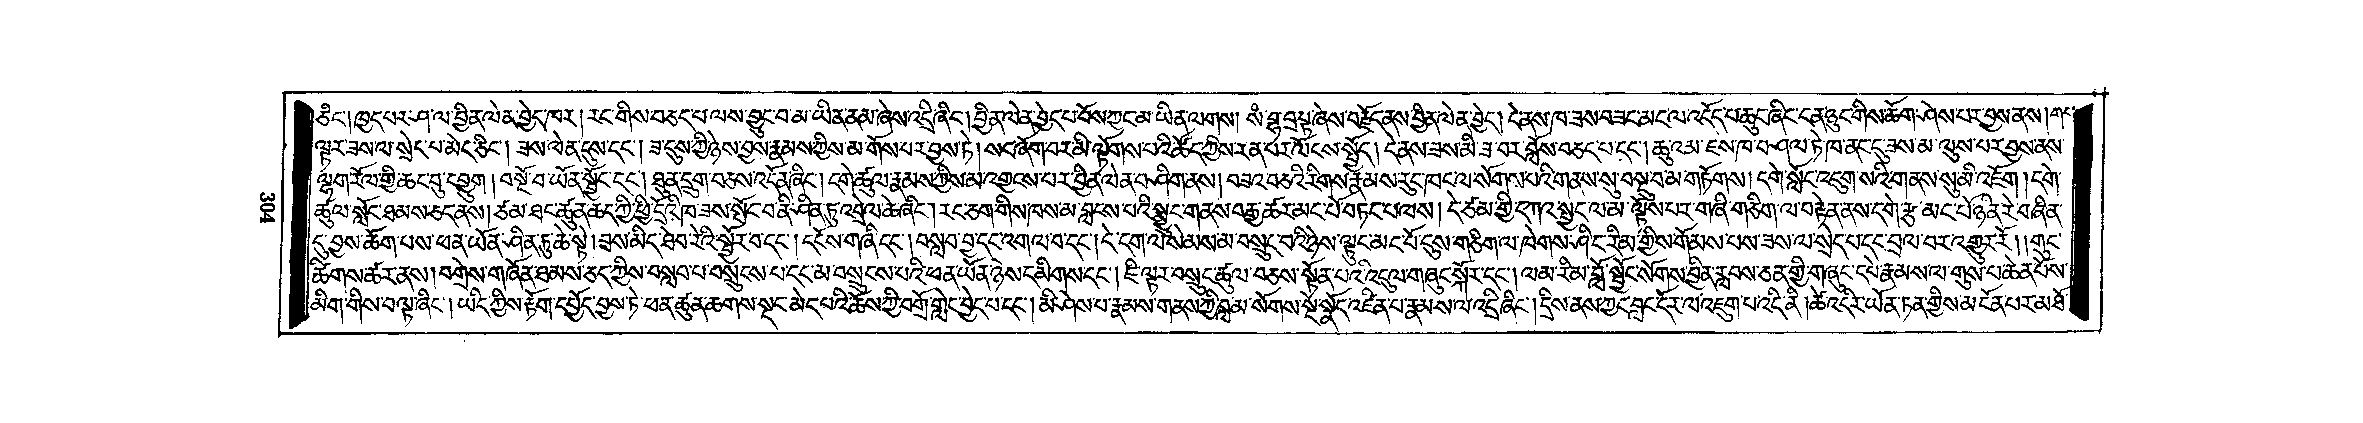ཅིང་། ཁྱད་པར་ཤ་ལ་བྱིན་ལེན་བྱེད་ཁར། རང་གིས་བཅད་པ་ལས་བྱུང་བ་མ་ཡིན་ནམ་ཞེས་འདྲི་ཞིང་། བྱིན་ལེན་བྱེད་པ་པོས་ཀྱང་མ་ཡིན་ལགས། སཾ་བྷ་བྲཔྟ་ཞེས་བརྗོད་ནས་བྱིན་ལེན་བྱེད། དེ་ནས་ཁ་ཟས་བཟང་མངལ་འདོད་པ་ཆུང་ཞིང་ངན་ཉུང་གིས་ཆོག་ཤེས་པར་བྱས་ནས། གང་
ལྟར་ཟས་ལ་སྲེད་པ་མེད་ཅིང་། ཟས་ལེན་དུས་དང་། ཟ་དུས་ཀྱི་ཉེས་བྱས་རྣམས་ཀྱིས་མ་གོས་པར་བྱས་ཏེ། སང་ཞོག་བར་མི་ལྟོགས་པའི་ཚོད་ཀྱིས་རན་པར་ལོངས་སྤྱོད། དེ་ནས་ཟས་མི་ཟ་བར་བློས་བཅད་པ་དང་། ཆུའམ་ཇས་ཁ་བཤལ་ཏེ་ཁ་ནང་དུ་ཟས་མ་ལུས་པར་བྱས་ནས་
ལྷག་རོལ་གྱི་ཆང་བུ་དབྱུག །བསྔོ་བ་ཡོན་སྦྱོང་དང་། ཐུན་དྲུག་བཅས་འདོན་ཞིང་། དགེ་ཚུལ་རྣམས་ཀྱིས་མ་འགྱངས་པར་བྱིན་ལེན་བཤིག་ནས། བཟའ་བཅའི་རིགས་རྣམས་རུང་ཁང་ལ་སོགས་པའི་གནས་སུ་བསྡུ་བ་མ་གཏོགས། དགེ་སློང་འདུག་སའི་གནས་སུ་མི་འཇོག །དགེ་
ཚུལ་སློང་ཐམས་ཅད་ནས། ཙམ་ཐང་ཚུན་ཆད་ཀྱི་ཕྱི་དྲོའི་ཁ་ཟས་སྤོང་བ་ནི་ཤིན་ཏུ་འབྲེལ་ཆེ་ཞིང་། རང་ཅག་གིས་ཁས་མ་བླངས་པའི་སྨྱུང་གནས་བརྒྱ་ཚར་མང་པོ་བཏང་པ་ལས། དེ་ཙམ་གྱི་དཀའ་སྤྱད་ལ་མ་ལྟོས་པར་གཞི་གཅིག་ལ་བརྟེན་ནས་དགེ་རྩ་མང་པོ་ཉིན་རེ་བཞིན་
དུ་བྱས་ཆོག་པས་ཕན་ཡོན་ཤིན་ཏུ་ཆེ་སྟེ། ཟས་མིད་ཐེབ་རེའི་སྦྱོར་བ་དང་། དངོས་གཞི་དང་། བསླབ་བྱ་དང་འགལ་བ་དང་། དེ་དག་ལ་སེམས་མ་བསྲུང་བའི་ཉེས་ལྟུང་མང་པོ་དུས་གཅིག་ལ་ཁེགས་ཤིང་རིམ་གྱིས་གོམས་པས་ཟས་ལ་སྲེད་པ་དང་བྲལ་བར་འགྱུར་རོ། །གུང་
ཚིགས་ཚར་ནས། བགྲེས་གཞོན་ཐམས་ཅད་ཀྱིས་བསླབ་པ་བསྲུངས་པ་དང་མ་བསྲུངས་པའི་ཕན་ཡོན་ཉེས་དམིགས་དང་། ཇི་ལྟར་བསྲུང་ཚུལ་བཅས་སྟོན་པའི་འདུལ་གཞུང་སྐོར་དང་། ལམ་རིམ་བློ་སྦྱོང་སོགས་བྱིན་རླབས་ཅན་གྱི་གཞུང་དཔེ་རྣམས་ལ་གུས་པ་ཆེན་པོས་
མིག་གིས་བལྟ་ཞིང་། ཡིད་ཀྱིས་རྟོག་དཔྱོད་བྱས་ཏེ་ཕན་ཚུན་ཆགས་སྡང་མེད་པའི་ཆོས་ཀྱི་བགྲོ་གླེང་བྱེད་པ་དང་། མི་ཤེས་པ་རྣམས་གནས་ཀྱི་བླ་མ་སོགས་སྡེ་སྣོད་འཛིན་པ་རྣམས་ལ་འདྲི་ཞིང་། དྲིས་ནས་ཀྱང་བླང་དོར་ལ་འཇུག་པ་འདི་ནི། ཚེ་འདིར་ཡོན་ཏན་གྱིས་མངོན་པར་མཐོ་